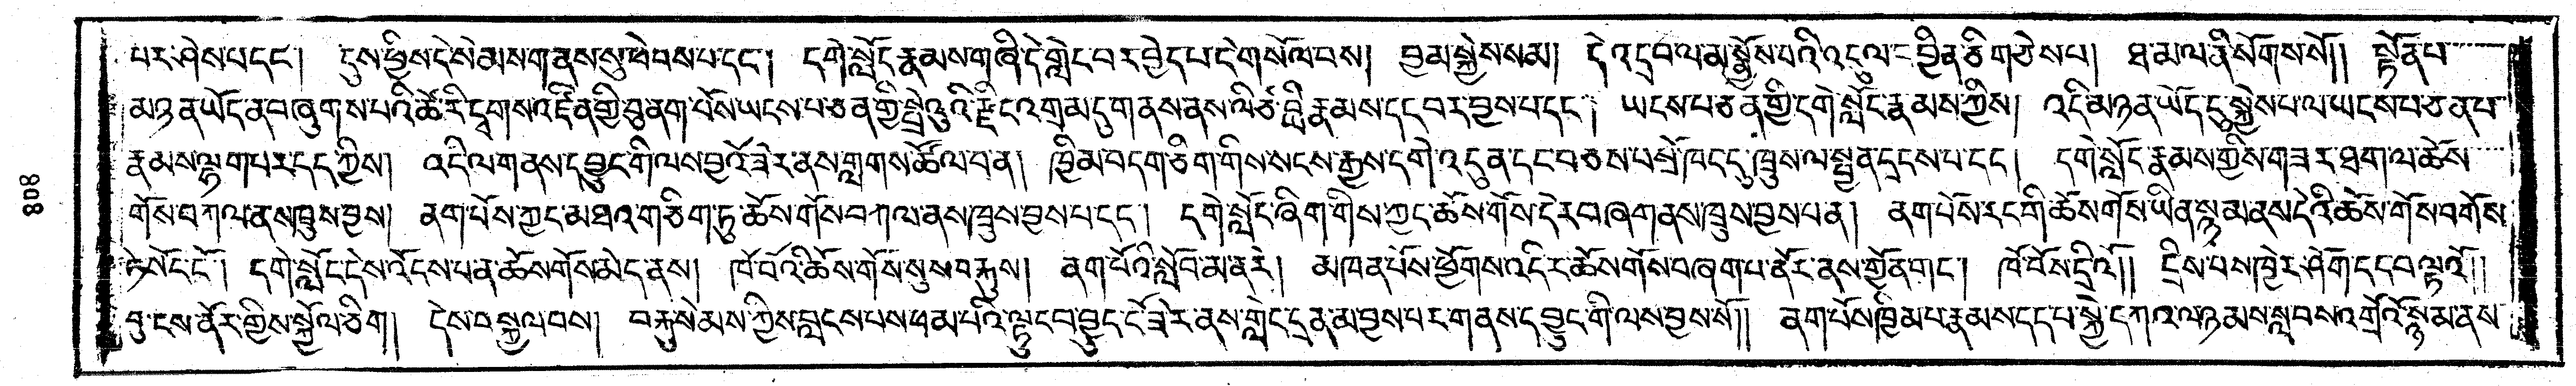པར་ཤེས་པ་དང་། དུས་ཕྱིས་དེ་སེམས་གནས་སུ་ཕེབས་པ་དང་། དགེ་སློང་རྣམས་གཞི་དེ་གླེང་བར་བྱེད་པ་དེ་གསོལ་བས། བྱམ་སྐྱེས་སམ། དེ་འདྲ་བ་ལ་མ་སྨྱོས་བའི་འདུལ་དབྱིན་ཅིག་ཅེས་པ། ཐ་མལ་ནི་སོགས་སོ།། སྟོན་པ་
མཉན་ཡོད་ན་བཞུགས་པའི་ཚེ་རི་དྭགས་འཛིན་གྱི་བུ་ནག་པོས་ཡངས་པ་ཅན་གྱི་སྤྲེའུའི་རྫིང་འགྲམ་དུ་གནས་ནས་ལི་ཙ་བྭི་རྣམས་དང་བར་བྱས་པ་དང་། ཡངས་པ་ཅན་གྱི་དགེ་སློང་རྣམས་ཀྱིས། འདི་མཉན་ཡོད་དུ་སྐྱེས་པ་ལ་ཡངས་པ་ཅན་པ་
རྣམས་ལྷག་པར་དད་ཀྱིས། འདི་ལ་གནས་དབྱུང་གི་ལས་བྱའོ་ཟེར་ནས་གླགས་ཚོལ་བ་ན། ཁྱིམ་བདག་ཅིག་གིས་སངས་རྒྱས་དགེ་འདུན་དང་བཅས་བསྲོ་ཁང་དུ་ཁྲུས་ལ་སྤྱན་དྲངས་པ་དང་། དགེ་སློང་རྣམས་གྱིས་གཟར་ཐག་ལ་ཆོས་
གོས་བཀལ་ནས་ཁྲུས་བྱས། ནག་པོས་ཀྱང་མཐའ་གཅིག་ཏུ་ཆོས་གོས་བཀལ་ནས་ཁྲུས་བྱས་པ་དང་། དགེ་སློང་ཞིག་གིས་ཀྱང་ཆོས་གོས་དེར་བཞག་ནས་ཁྲུས་བྱས་པ་ན། ནག་པོས་རང་གི་ཆོས་གོས་ཡིན་སྙམ་ནས་དེའི་ཆོས་གོས་བགོས་
ཏེ་སོང་ངོ། དགེ་སློང་དེས་འོངས་པ་ན་ཆོས་གོས་མེད་ནས། ཁོ་བོའི་ཆོས་གོས་སུས་བརྐུས། ནག་པོའི་སློབ་མ་ན་རེ། མཁན་པོས་ཕྱོགས་འདིར་ཆོས་གོས་བཞག་པ་ནོར་ནས་གྱོན་གང་། ཁོ་བོས་དྲིའོ།། དྲིས་པས་ཁྱེར་ཤོག་དད་བལྟའོ།།
བུ་ངས་ནོར་གྱིས་སྐྱོལ་ཅིག། དེས་བསྐྱལ་བས། བརྐུ་སེམས་ཀྱིས་བླངས་པས་ཕམ་པའི་ལྟུང་བ་བྱུང་ངོ་ཟེར་ནས་གླེང་དྲན་མ་མ་བྱས་པར་གནས་དབྱུང་གི་ལས་བྱས་སོ།། ནག་པོས་ཁྱིམ་པ་རྣམས་དད་པ་སྐྱེ་དཀའ་ལ་ཉམས་སླབས་འགྲོའོ་སྙམ་ནས་